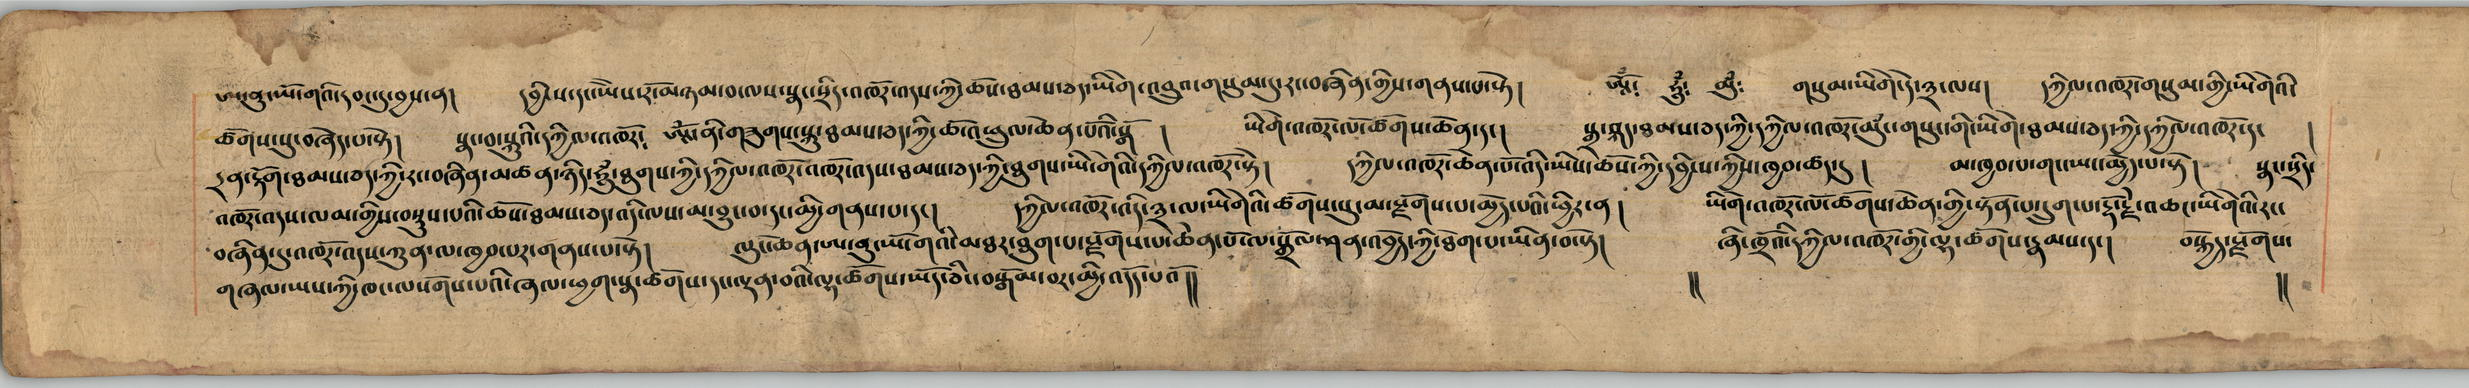ཨ་ནུ་ཡོ་གའི་དབང་དུ་བྱས་ན། དབྱིངས་དང་ཡཻས་རོ་མཉམ་བ་ལས་སྣང་སྲིད་འཁོར་འདས་ཀྱི་ཆོས་ཐམས་ཅད་ཡིགེ་འབྲུའ་གསུམ་དུ་རང་བཞཱིན་གྱིས་གནས་པ་སྟེ། ཨཱོཾ༴ ཧཱུྃ༴ མུྃ༴ གསུམ་ཡིགེ་དེ་༣་ལས། དཀྱིལ་འཁོར་གསུམ་གྱི་ཡིགེའི་
ཚོགས་སུ་བཞེད་པ་སྟེ། སྣང་བ་སྐུའི་དཀྱིལ་འཁོར༴ ཨཱོཾ་ནི་གཟུགས་སྐུ་ཐམས་ཅད་ཀྱི་ཆོ་འཕྲུལ་ཆེན་པོའི་སྒོ ། ཡིགེ་འཁཽར་ལོ་ཚོགས་ཆེན་དང། སྒྲ་སྐད་ཐམས་ཅད་ཀྱི་དཀྱིལ་འཁོར་ཆུང་གསུང་གི་ཡིགེ་ཐམས་ཅད་ཀྱི་དཀྱིལ་འཁོར་དང
དྲན་རྟོག་ཐམས་ཅད་ཀྱི་རང་བཞིན་མཚན་ཉིད་ཧཱུཾ་ཐུགས་ཀྱི་དཀྱིལ་འཁོར་འཁོར་འདས་ཐམས་ཅད་ཡི་གེའི་དཀྱིལ་འཁོར་སྟེ། དཀྱིལ་འཁོར་ཆེན་པོ་འདི་ཡིས་ཆོས་ཀྱི་དབྱིངས་ཀྱིས་ཁྱབ་ཚད་དུ། མ་ཁྱབ་པ་གང་ཡང་མྱེད་པ་སྟེ། སྣང་སྲིད་
འཁོར་འདས་ལམ་གྱིས་བསྡུས་པའི་ཆོས་ཐམས་ཅད་འདི་ལས་མ་བྱུང་བ་དང་མྱི་གནས་པ་དང། དཀྱིལ་འཁོར་འདི་༣་ལ་ཡིགེའི་ཚོགས་སུ་མ་སྫོགས་པ་མྱེད་པའི་ཕྱིར་ན། ཡིགེ་འཁོར་ལོ་ཚོགས་ཆེན་གྱི་སྟོན་པ་དྲུག་པ་རྡོ་རྗེ་འཆང་ཡིགེའི་རང་
བཞིན་དུ་འཁོར་འདས་ཀུན་ལ་ཁྱབ་པར་གནས་པ་སྟེ། ལུང་ཆེན་ཨ་ནུ་ཡོ་གའི་མཐར་ཐུག་པ་སྫོགས་པ་ཆེན་པོ་ལ་སྒྲོལ་ཤན་འབྱེད་ཀྱི་ཐེག་པ་ཡིན་བ་སྟེ། ཞི་ཁྲོ་དཀྱིལ་འཁོར་གྱི་ལྷ་ཚོགས་རྣམས་དང། བསྐྱེད་སྫོགས་
གཞལ་ཡས་ཀྱི་ཁང་ལསོགས་པའི་ཞལ་ཕྱག་སྣ་ཚོགས་དང་ལྡན་བའི་ལྷ་ཚོགས་ཡོད་ཅིང་བསྒོམ་བར་མྱི་འདོད་པའོ།།